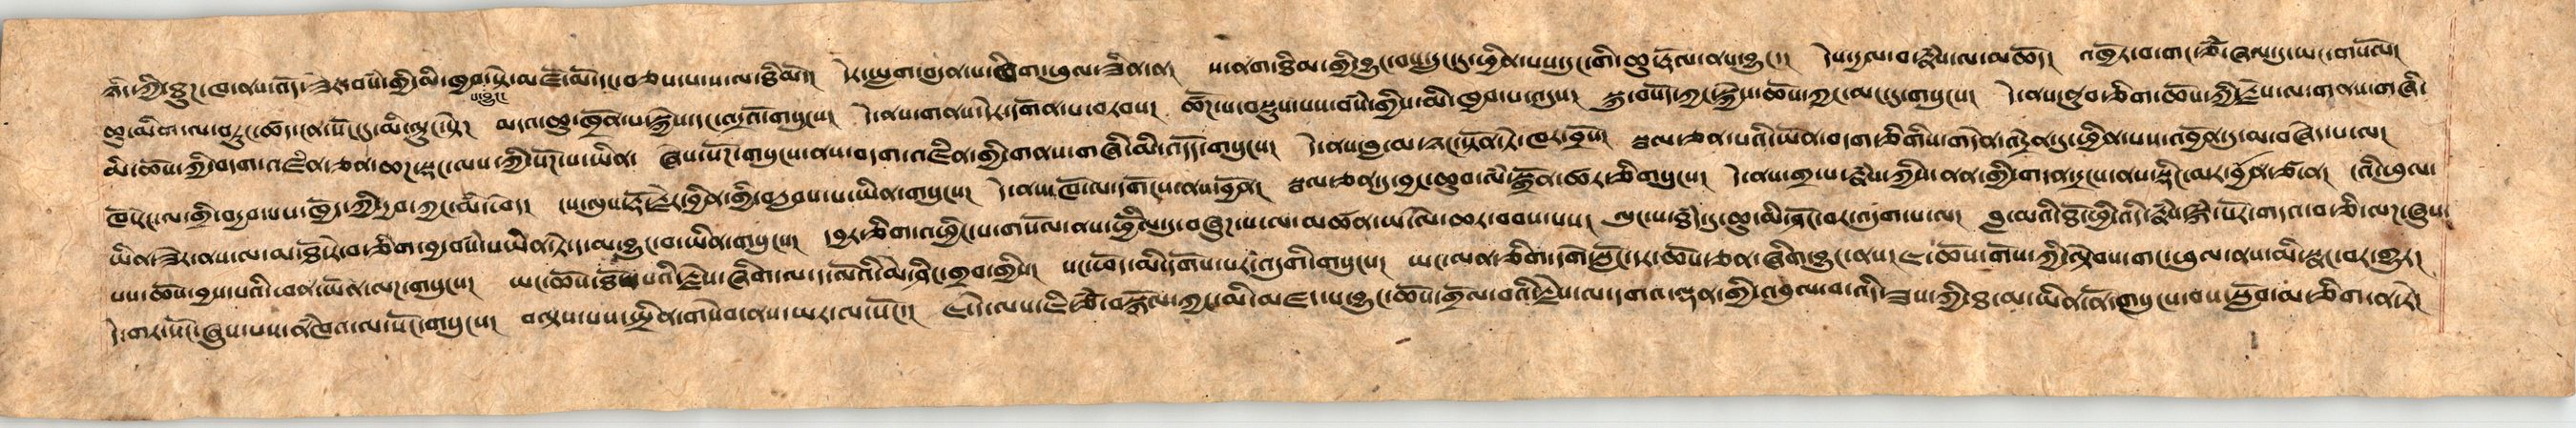ཉིད་ཀྱི་ཐུཌ་ཁ་ནས་འོད་ཟེར་བསཾ་གྱི་མི་ཁྱབ་པ་བྱུང་སྟེ་མཛོ་མོ་དང་བཅས་པ་ས་ལ་ཐིམོ། དེར་ཡླག་བདུན་པ་ཞིག་ཕུལ་ཟིན་ན། ས་ནག་ཐིམ་གྱི་བྱུང་བས་དྲུང་དུ་ཕྱིན་པས་དུང་གི་ཆུ་རྡོལ་ནས་བྱུང་། དེས་དྱལ་བ་རྣཾས་ལ་མཆོད། འཁྱོར་བ་གང་ཙཾ་ཞལ་དུ་ཡང་གསོལ།
ཆུ་མིག་ལ་བཏུང་ཚད་ངན་སོང་དུ་མི་ལྟུང་སྟེ། མདའ་ཆུ་ཁྲོན་པ་སྐྱེས་དང་འདྲའོ་གསུངས། དེ་ནས་གནས་དེར་དགོན་པ་བཏབས། ཚོཌ་པ་བསྡུས་པས་བསཾ་གྱིས་མི་ཁྱབ་པ་འདུས། སྐུ་བསོད་ཀྱང་སྐྱེས་ཆོས་ཀྱང་མང་དུ་གསུངས། དེ་ནས་ནུབ་ཅིག་ཆོས་ཀྱི་རྗེས་ལ་གནས་གཞི་
མི་ཆོས་ཀྱི་བདག་འཛིན་ཅན་ཆཌ་སྡང་ལས་ཀྱི་སོཌ་ས་ཡིན། ཞེས་སོཌ་གསུངས་ནས་བདག་འཛིན་གྱི་གནས་གཞི་མི་འདོད་གསུངས། དེ་ནས་བླ་མ་ཉང་སྟོན་ཏེ་ཁར་བྲོས། སྦལ་ཅན་པའི་ཡོན་བདག་ཅིགིས་གདེན་འདྲེན་དུ་ཕྱིན་པས་འབྱོན་དུ་མ་བཞེད་པ་ལ།
ཁོ་རང་ལ་གྲི་བདྱབ་པས་ཁྱོད་ཀྱི་དྱབ་ཀྱང་མི་ཕེད། ངས་ལུས་རྡོ་རྗེར་བྱིན་གྱི་བརླབས་པ་ཡིན་གསུངས། དེ་ནས་ཁོ་ལ་དགོངས་ནས་བྱོན། སྦལ་ཅན་དུ་བྱང་ཆུབ་ལཾ་སྒྲོན་ཚར་ཅིག་གསུངས། དེ་ནས་གྲ་པ་རྣཾས་ཀྱིས་ནན་གྱི་གདན་དྲངས་ནས་སྡིང་མར་བྱོན་ཙ་ན། ངའི་ཕུལ་
ཡིན་ཟེར་ནས་ལ་མ་ཐོ་རེ་བ་ཅིག་བྱ་བསཾ་པ་ཡིན་ཏེ་ད་མ་བྱུང་བ་ཡིན་གསུངས། དབྱར་ཅིག་འཕྱིང་པ་གསོལ་ནས་ཕྱིོལ་དུ་བཞུཌ་པ་ལ་མཚན་ཡ་ལེ་ཆར་བབས་པས། ལུང་པ་ཐཾད་དུ་ཆུ་མི་ཤོང་བར་འདུག་པ་ལ། བླ་མའི་ཐོ་ཕྱི་འདི་རྣཾས་སྐཾ་པོར་གདའ་བ་ཅི་ལཌ་ཞུས་
པས་ཆོས་བྱས་པའི་ཕན་ཡོན་ལཌ་གསུངས། ཡང་ཆོས་ཐོས་པའི་རྗེས་ཞིག་ལ་ད་ལོའི་མེ་ཤིང་གྲབ་གྱིས། སང་ཕོད་མི་དགོས་པར་འདུགི་གསུངས། ཡང་ལན་ཅིག་དགེ་སློང་དར་ཆོས་ཅན་ཞིག་བྱུང་ནས་ཇ་ཆོས་གོས་ཀྱི་ལྟེབས་གང་ཕུལ་ནས་མི་སྣང་བར་གྱུར།
དེ་གར་སོང་ཞུས་པས་ནཾཁའ་ལ་སོང་གསུངས། བལྟས་པས་སྤྲིན་གསེབ་ནས་ཡར་ལ་སོང་། ཇ་དེ་ལས་ཇི་ཙཾ་བསྐོལ་ཀྱང་མི་མཛད་པ་བྱུང་ཆོས་གྲོལ་བའི་རྗེས་ལ་དགའ་ལྡན་གྱི་འབུལ་བ་འདི་ཟས་ཀྱི་ཐ་མ་ཡིན་ནོ་གསུངས་བས་སློབ་མ་ཅིག་ན་རེ།